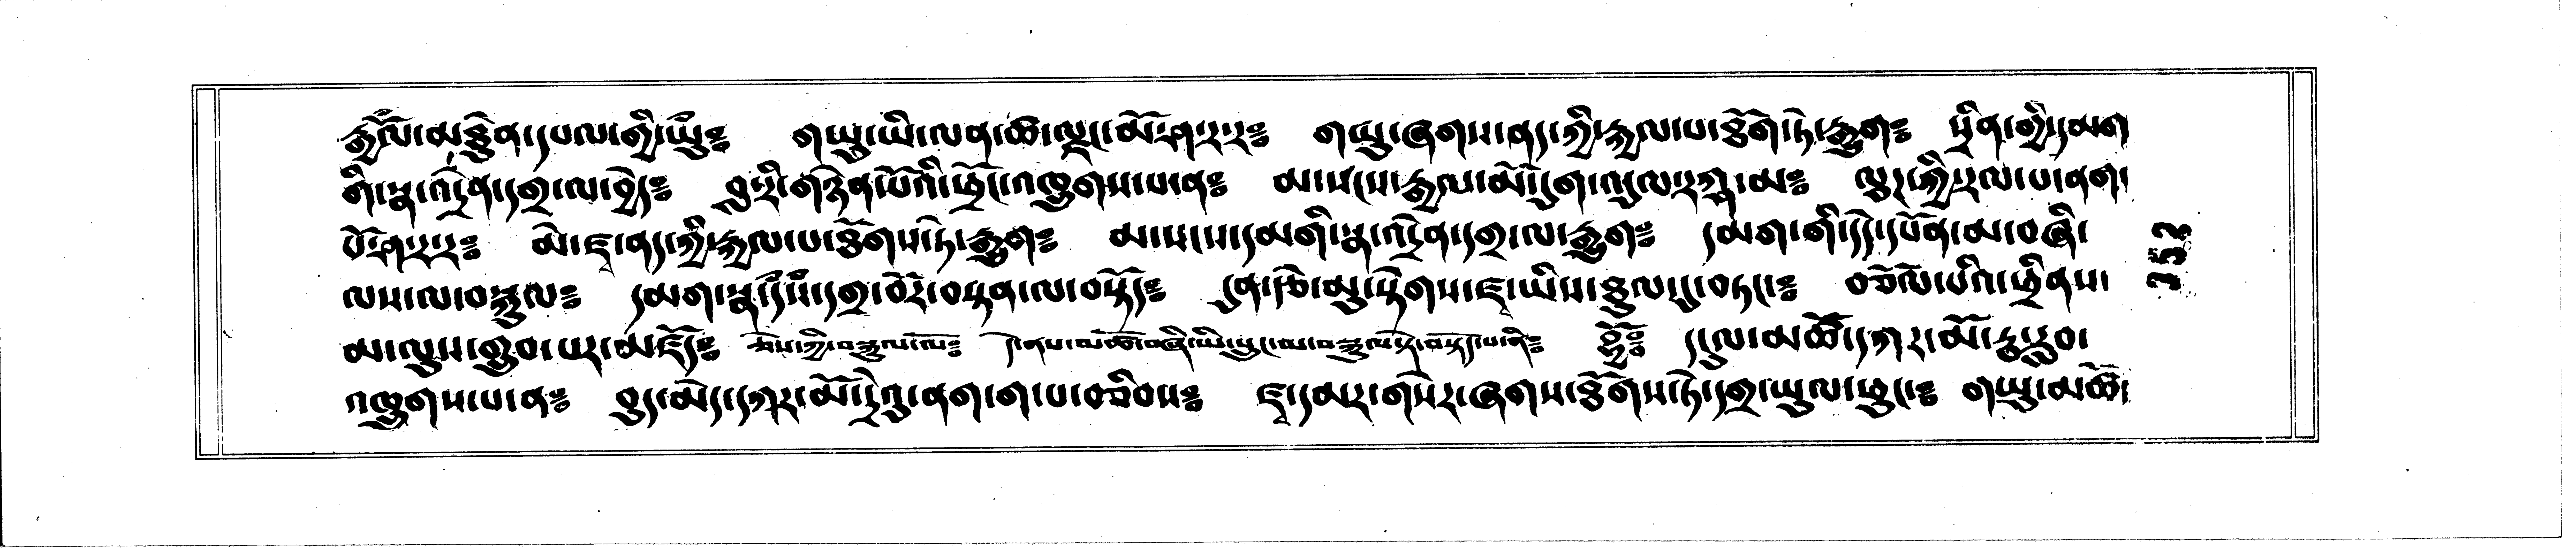རྒྱལ་མོ་མཐུ་ཆེན་དཔལ་གྱི་ཡུམ༔ གཡུ་ཡི་ལན་ཚ་ལྗང་མོ་ཤ་ར་ར༔ གཡུ་ཞགས་ནད་ཀྱི་རྐྱལ་པ་ཐོགས་ཏེ་རྒྱུག༔ སྲིན་གྱི་དམག་
གི་སྣ་འདྲེན་དགྲ་ལ་བྱེད༔ བླ་རི་གཉེན་པོའི་ཕོ་བྲང་འཁྲུགས་པ་ན༔ མ་སངས་རྒྱལ་མོ་དུག་འདུལ་རཀྴ་མ༔ ལྕགས་ཀྱི་རལ་པ་ནག་
པོ་ཤ་ར་ར༔ མེ་ཛྭ་ནད་ཀྱི་རྐྱལ་པ་ཐོགས་ཏེ་རྒྱུག༔ མ་སངས་དམག་གི་སྣ་འདྲེན་དགྲ་ལ་རྒྱུག༔ དམག་གི་དེད་དཔོན་མ་བཞི་
ལས་ལ་བསྐུལ༔ དམག་སྣ་དམས་ཉམས་དགྲ་བོར་བསྟན་ལ་བསྟོད༔ དུན་རྩེ་མུ་སྟེགས་ཛྭ་ཡིས་ཐུལ་དུ་བཏང་༔ བཅོལ་བའི་ཕྲིན་
ལས་མ་ལུས་གྲུབ་པར་མཛོད༔ ཅེས་ཀྱི་བསྐུལ་ལོ༔ དེ་ནས་མཚོ་བཞི་ཡི་སྲུང་མ་བསྐུལ་ཏེ་བསྟོད་པ་ནི༔ བྷྱོ༔ དངུལ་མཚོ་དཀར་མོ་རྦ་རླབས་
འཁྲུགས་པ་ན༔ བུད་མེད་དཀར་མོ་དྲེའུ་ནག་ག་པ་བཅིབས༔ ཛྭ་དམར་གསེར་ཞགས་ཐོགས་ཏེ་དགྲ་ཡུལ་ཕུང་༔ གཡུ་མཚོ་